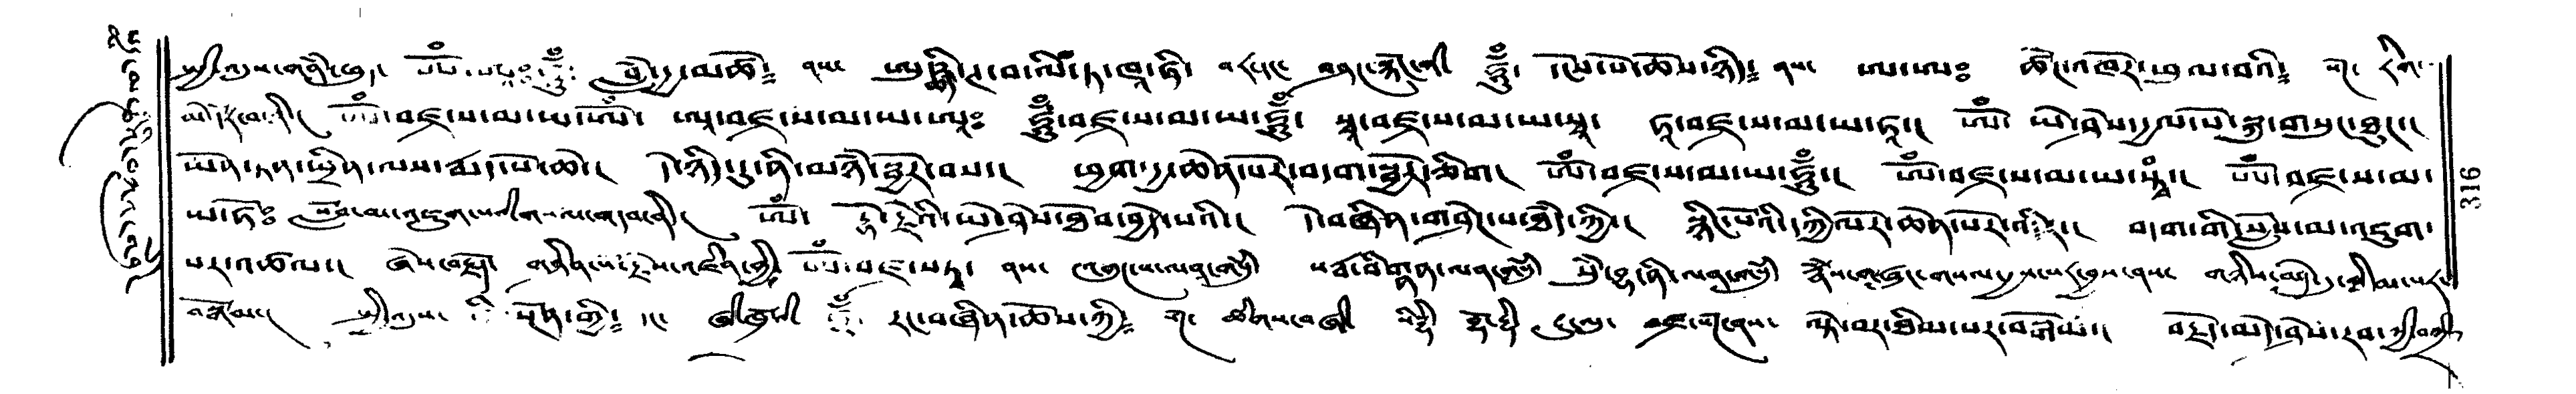སྤྱི་འདུས་གནམ་ཕུད། ཨོཾ་ཨཱཿཧཱུྃ༔ བླ་མ་རྒྱ་མཚོ༴ ནས། ཨུ་ཙྪིཥྚ་བ་ལིང་ཏ་ཁཱ་ཧི༔ བར་དང་། བཤགས་སྐོང་གི ཧཱུྃ༔ དངོས་པོ་ཆོས་ཉིད༴ ནས། ཨ་ཨ༔ ཚོགས་འཁོར་ཕུལ་བའི༴ སོགས། རིག་པ་
མེ་དོར་བ་ནི། ཨོཾ་བཛྲ་ས་མ་ཡ་ཨོཾ༔ ཨཱ་བཛྲ་ས་མ་ཡ་ཨཱཿ ཧཱུྃ་བཛྲ་ས་མ་ཡ་ཧཱུྃ༔ སྭ་བཛྲ་ས་མ་ཡ་སྭ༔ ཧཱ་བཛྲ་ས་མ་ཡ་ཧཱ༔ ཨོཾ༔ ཡེ་ཤེས་རྒྱལ་པོ་སྐུ་གསུང་ཐུགས༔ 
ཡོན་ཏན་ཕྲིན་ལས་རྨད་པོ་ཆེ༔ དེ་ཉིད་དུ་ནི་མཉམ་སྦྱོར་བས༔ ཕྱག་རྒྱ་ཆེན་པོར་བདག་སྦྱོར་ཅིག༔ ཨོཾ་བཛྲ་ས་མ་ཡ་ཧཱུྃ༔ ཨོཾ་བཛྲ་ས་མ་ཡ་སྟྭཾ༔ ཨོཾ་བཛྲ་ས་མ་
ཡ་ཧོ༔ སློབ་མ་འཇུག་པའི་གསལ་གདབ་ནི།ཨོཾ༔ རྡོ་རྗེའི་ཡེ་ཤེས་ཐོབ་བྱེད་པའི༔ དེ་བཞིན་གཤེགས་པ་ཐམས་ཅད་ཀྱི༔ སྙིང་པོའི་དཀྱིལ་འཁོར་ཆེན་པོ་འདིར༔ བདག་གི་སློབ་མ་འཇུག་
པར་འཚལ༔ ཞེས་བརྗོད། གཤིན་པོ་རྗེས་འཛིན་ལ། ཨོཾ་བཛྲ་སཏྭ༴ ནས། འགུགས་པ་ལན་གསུམ། སརྦ་བིགྣན༴ ལན་གསུམ། སུམ་བྷཱ༴ ནི་ལན་གསུམ་རྣམས་གཞུང་གསལ་རྒྱས་པར་བྱས་ནས། གཉིས་མེད་དུ་ཐིམ་པར་
བསྒོམ། སྤྱི་འདུས། ཧྲཱི༔ སྔོན་གྱི༴ དང་། ཞི་ཁྲོའི། ཧཱུྃ༔ རང་བཞིན་ཆོས་ཀྱི༴ སོགས། ཚིག་བཞི། སིདྡྷི། བྷོ་དྷི། རུ་ལུ། བཛྲ༴ སོགས་ནས། ལྟེ་བར་ཐིམ་པར་བསྒོམ། བརྗོད་མེད་ཤེས་རབ་ཀྱི་བཀྲ་ཤིས།